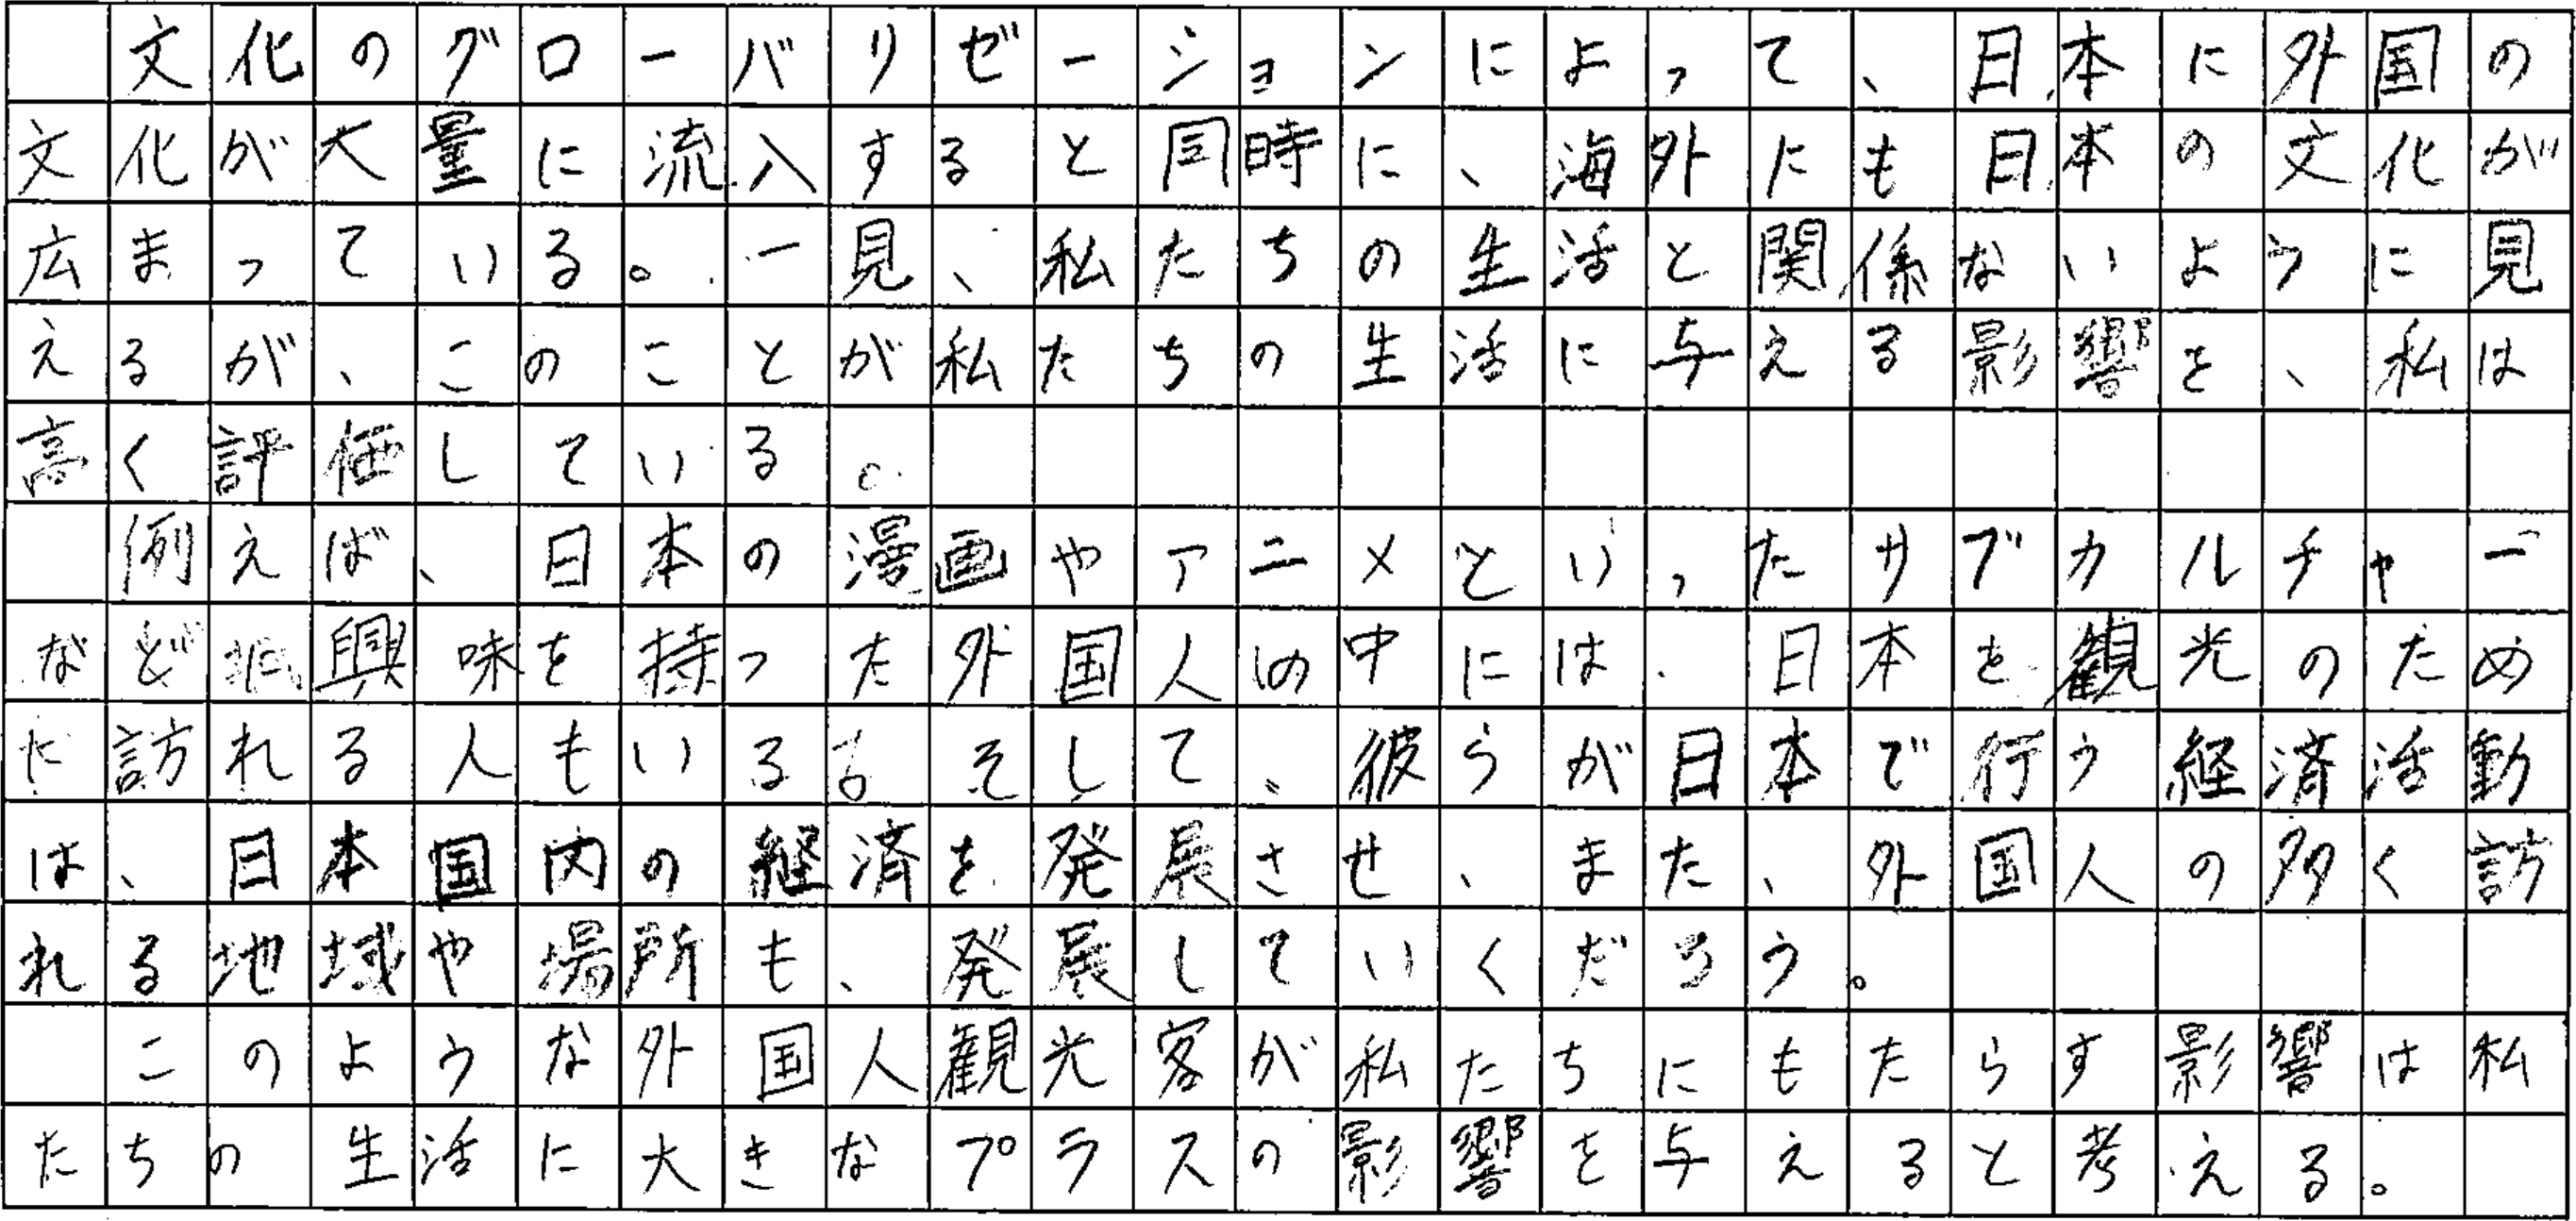　文化のグローバリゼーションによって、日本に外国の文化が大量に流入すると同時に、海外にも日本の文化が広まっている。一見、私たちの生活と関係ないように見えるが、このことが私たちの生活に与える影響を、私は高く評価している。
　例えば、日本の漫画やアニメといったサブカルチャーなどに興味を持った外国人の中には、日本を観光のために訪れる人もいる。そして、彼らが日本で行う経済活動は、日本国内の経済を発展させ、また、外国人の多く訪れる地域や場所も、発展していくだろう。
　このような外国人観光客が私たちにもたらす影響は私たちの生活に大きなプラスの影響を与えると考える。
